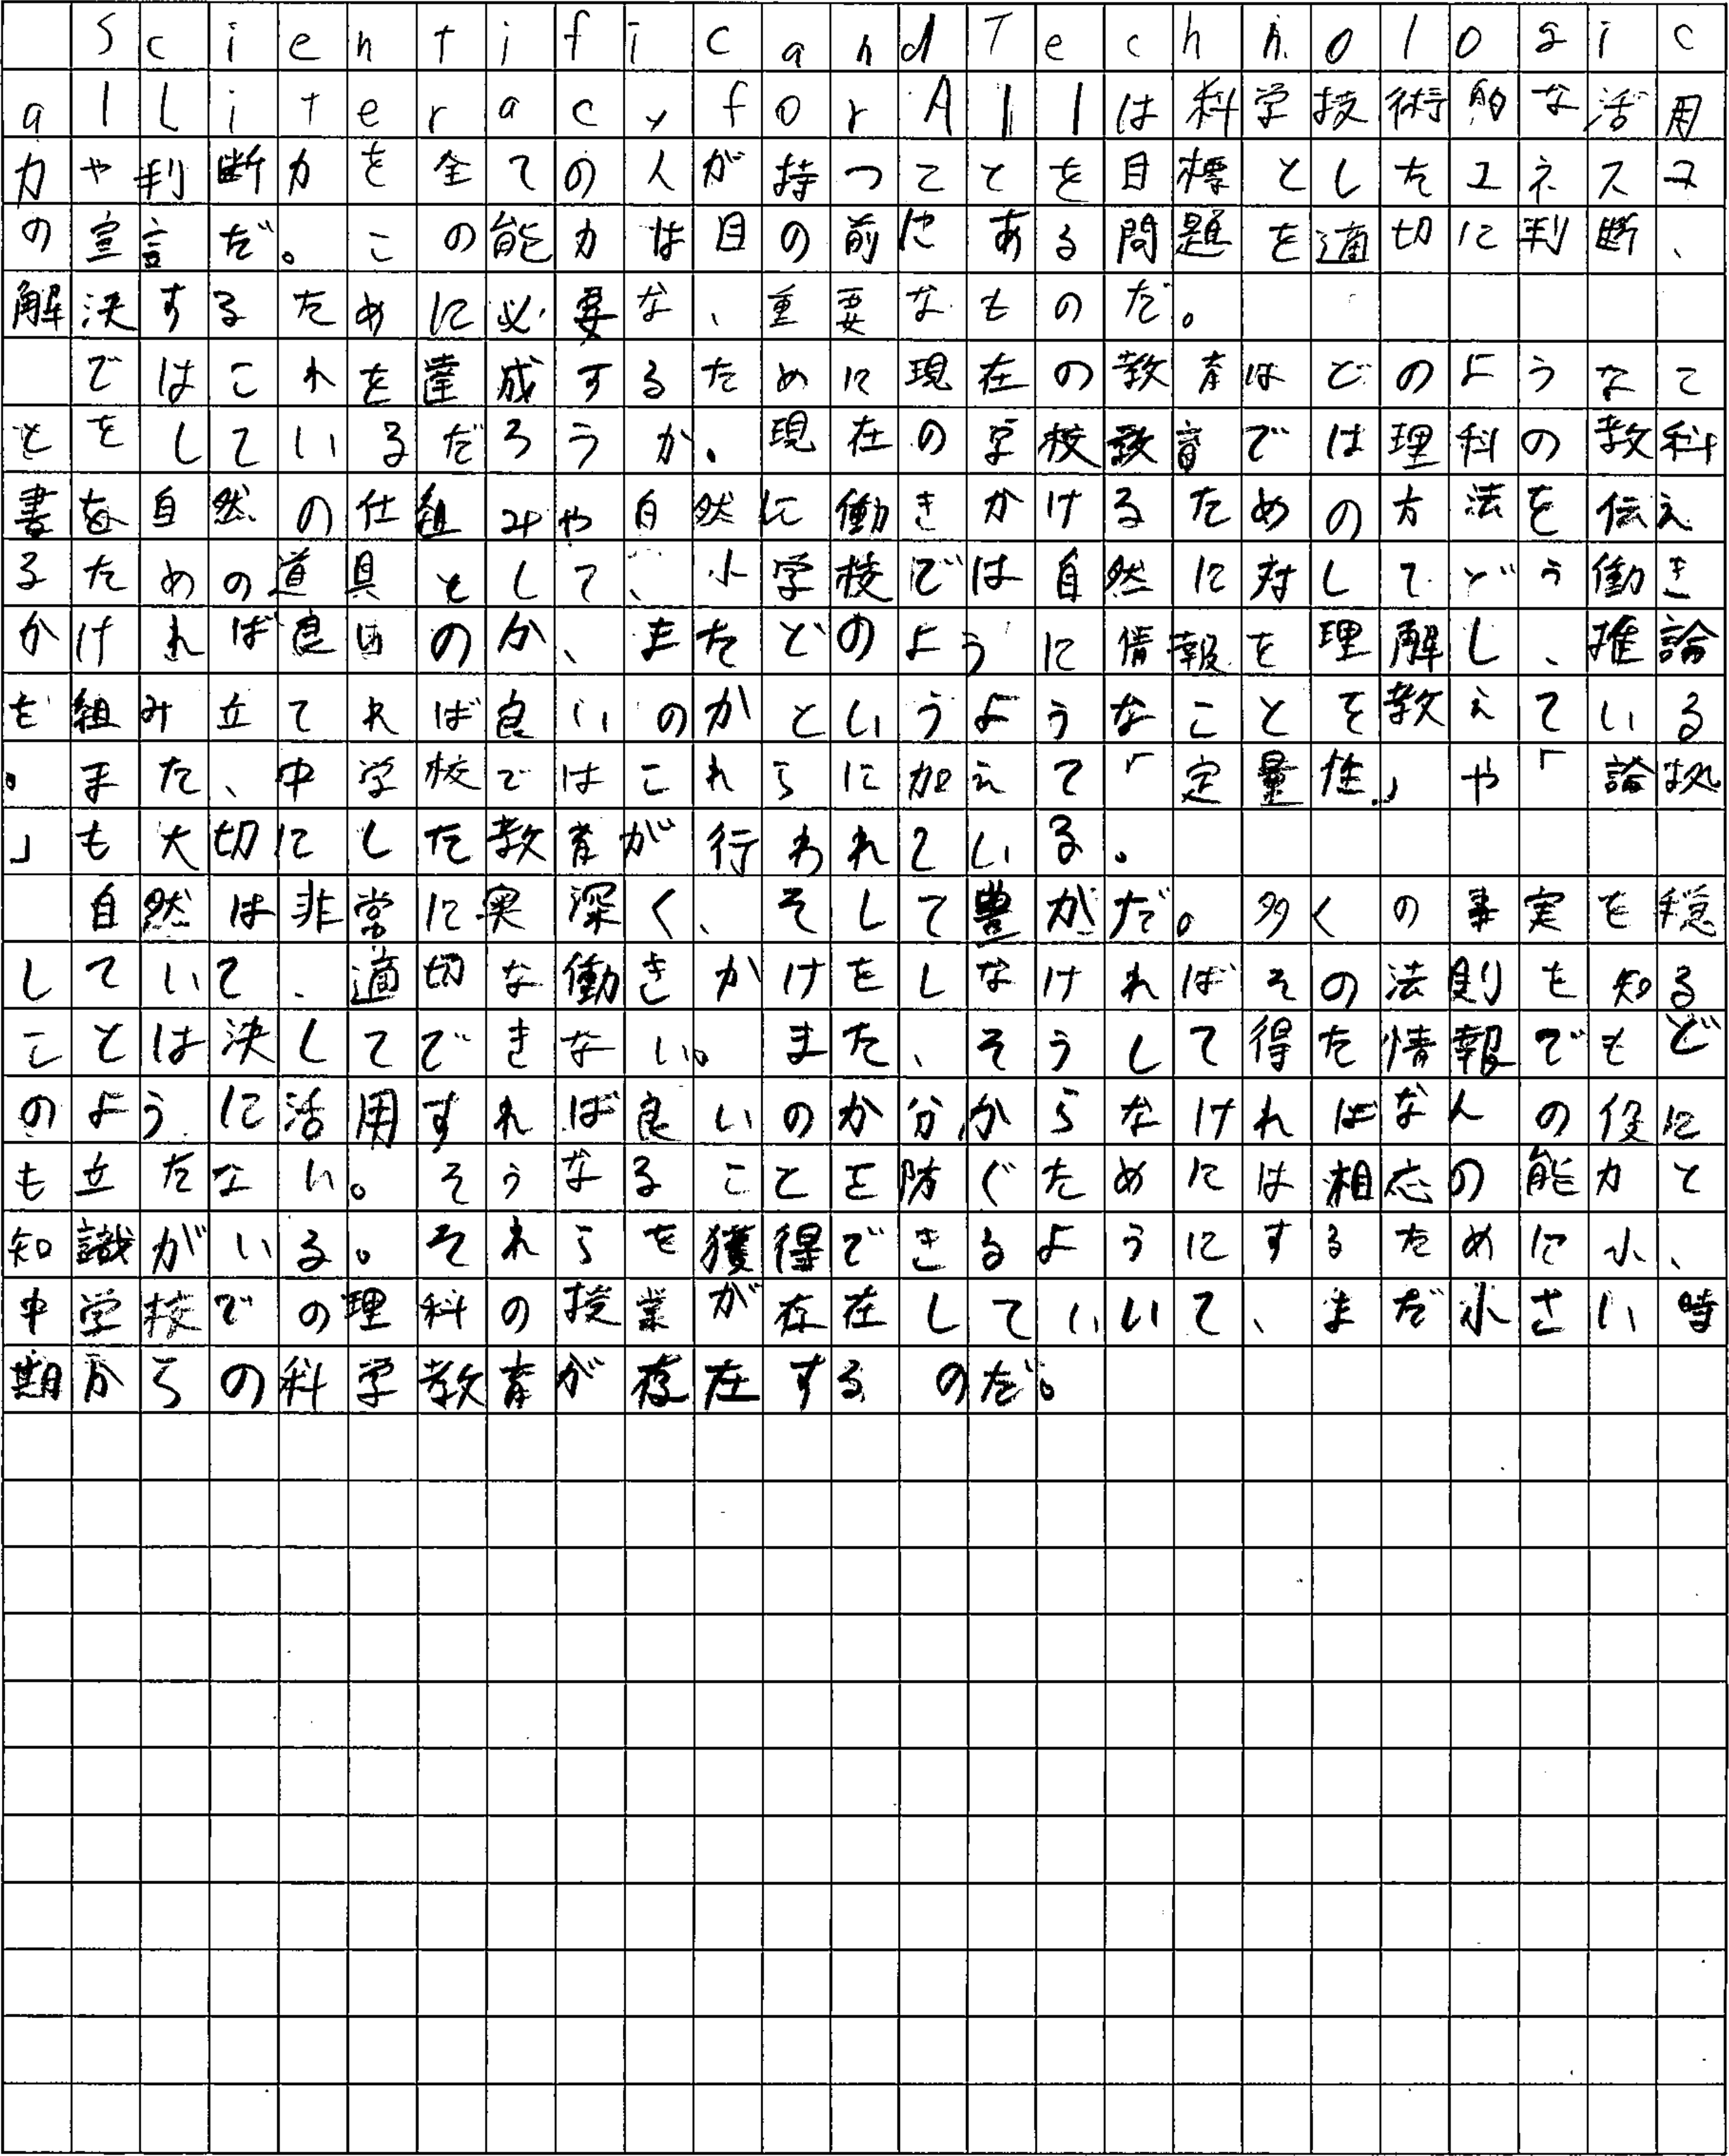　ＳｃｉｅｎｔｉｆｉｃａｎｄＴｅｃｈｎｏｌｏｇｉｃａｌＬｉｔｅｒａｃｙｆｏｒＡｌｌは科学技術的な活用力や判断力を全ての人が持つことを目標としたユネスコの宣言だ。この能力は目の前にある問題を適切に判断、解決するために必要な、重要なものだ。
　ではこれを達成するために現在の教育はどのようなことをしているだろうか。現在の学校教育では理科の教科書を自然の仕組みや自然に働きかけるための方法を伝えるための道具として、小学校では自然に対してどう働きかければ良いのか、またどのように情報を理解し、推論を組み立てれば良いのかというようなことを教えている。また、中学校ではこれらに加えて「定量性」や「論拠」も大切にした教育が行われている。
　自然は非常に奥深く、そして豊かだ。多くの事実を穏していて、適切な働きかけをしなければその法則を知ることは決してできない。また、そうして得た情報でもどのように活用すれば良いのか分からなければなんの▁にも立たない。そうなることを防ぐためには相応の能力と知識がいる。それらを獲得できるようにするために小、中学校での理科の授業が存在していいて、まだ小さい時期からの科学教育が存在するのだ。
